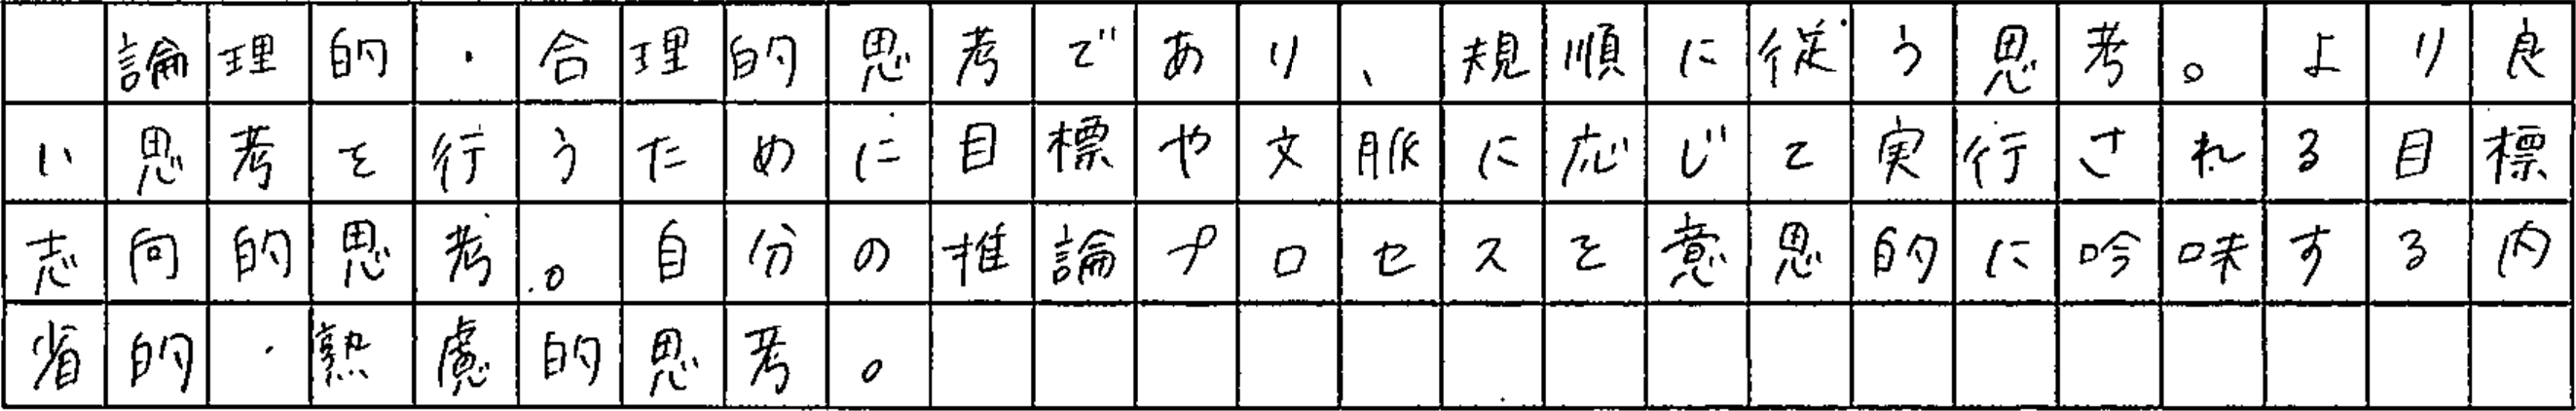　論理的・合理的思考であり、規順に従う思考。より良い思考を行うために目標や文脈に応じて実行される目標志向的思考。自分の推論プロセスを意思的に吟味する内省的・熟慮的思考。
